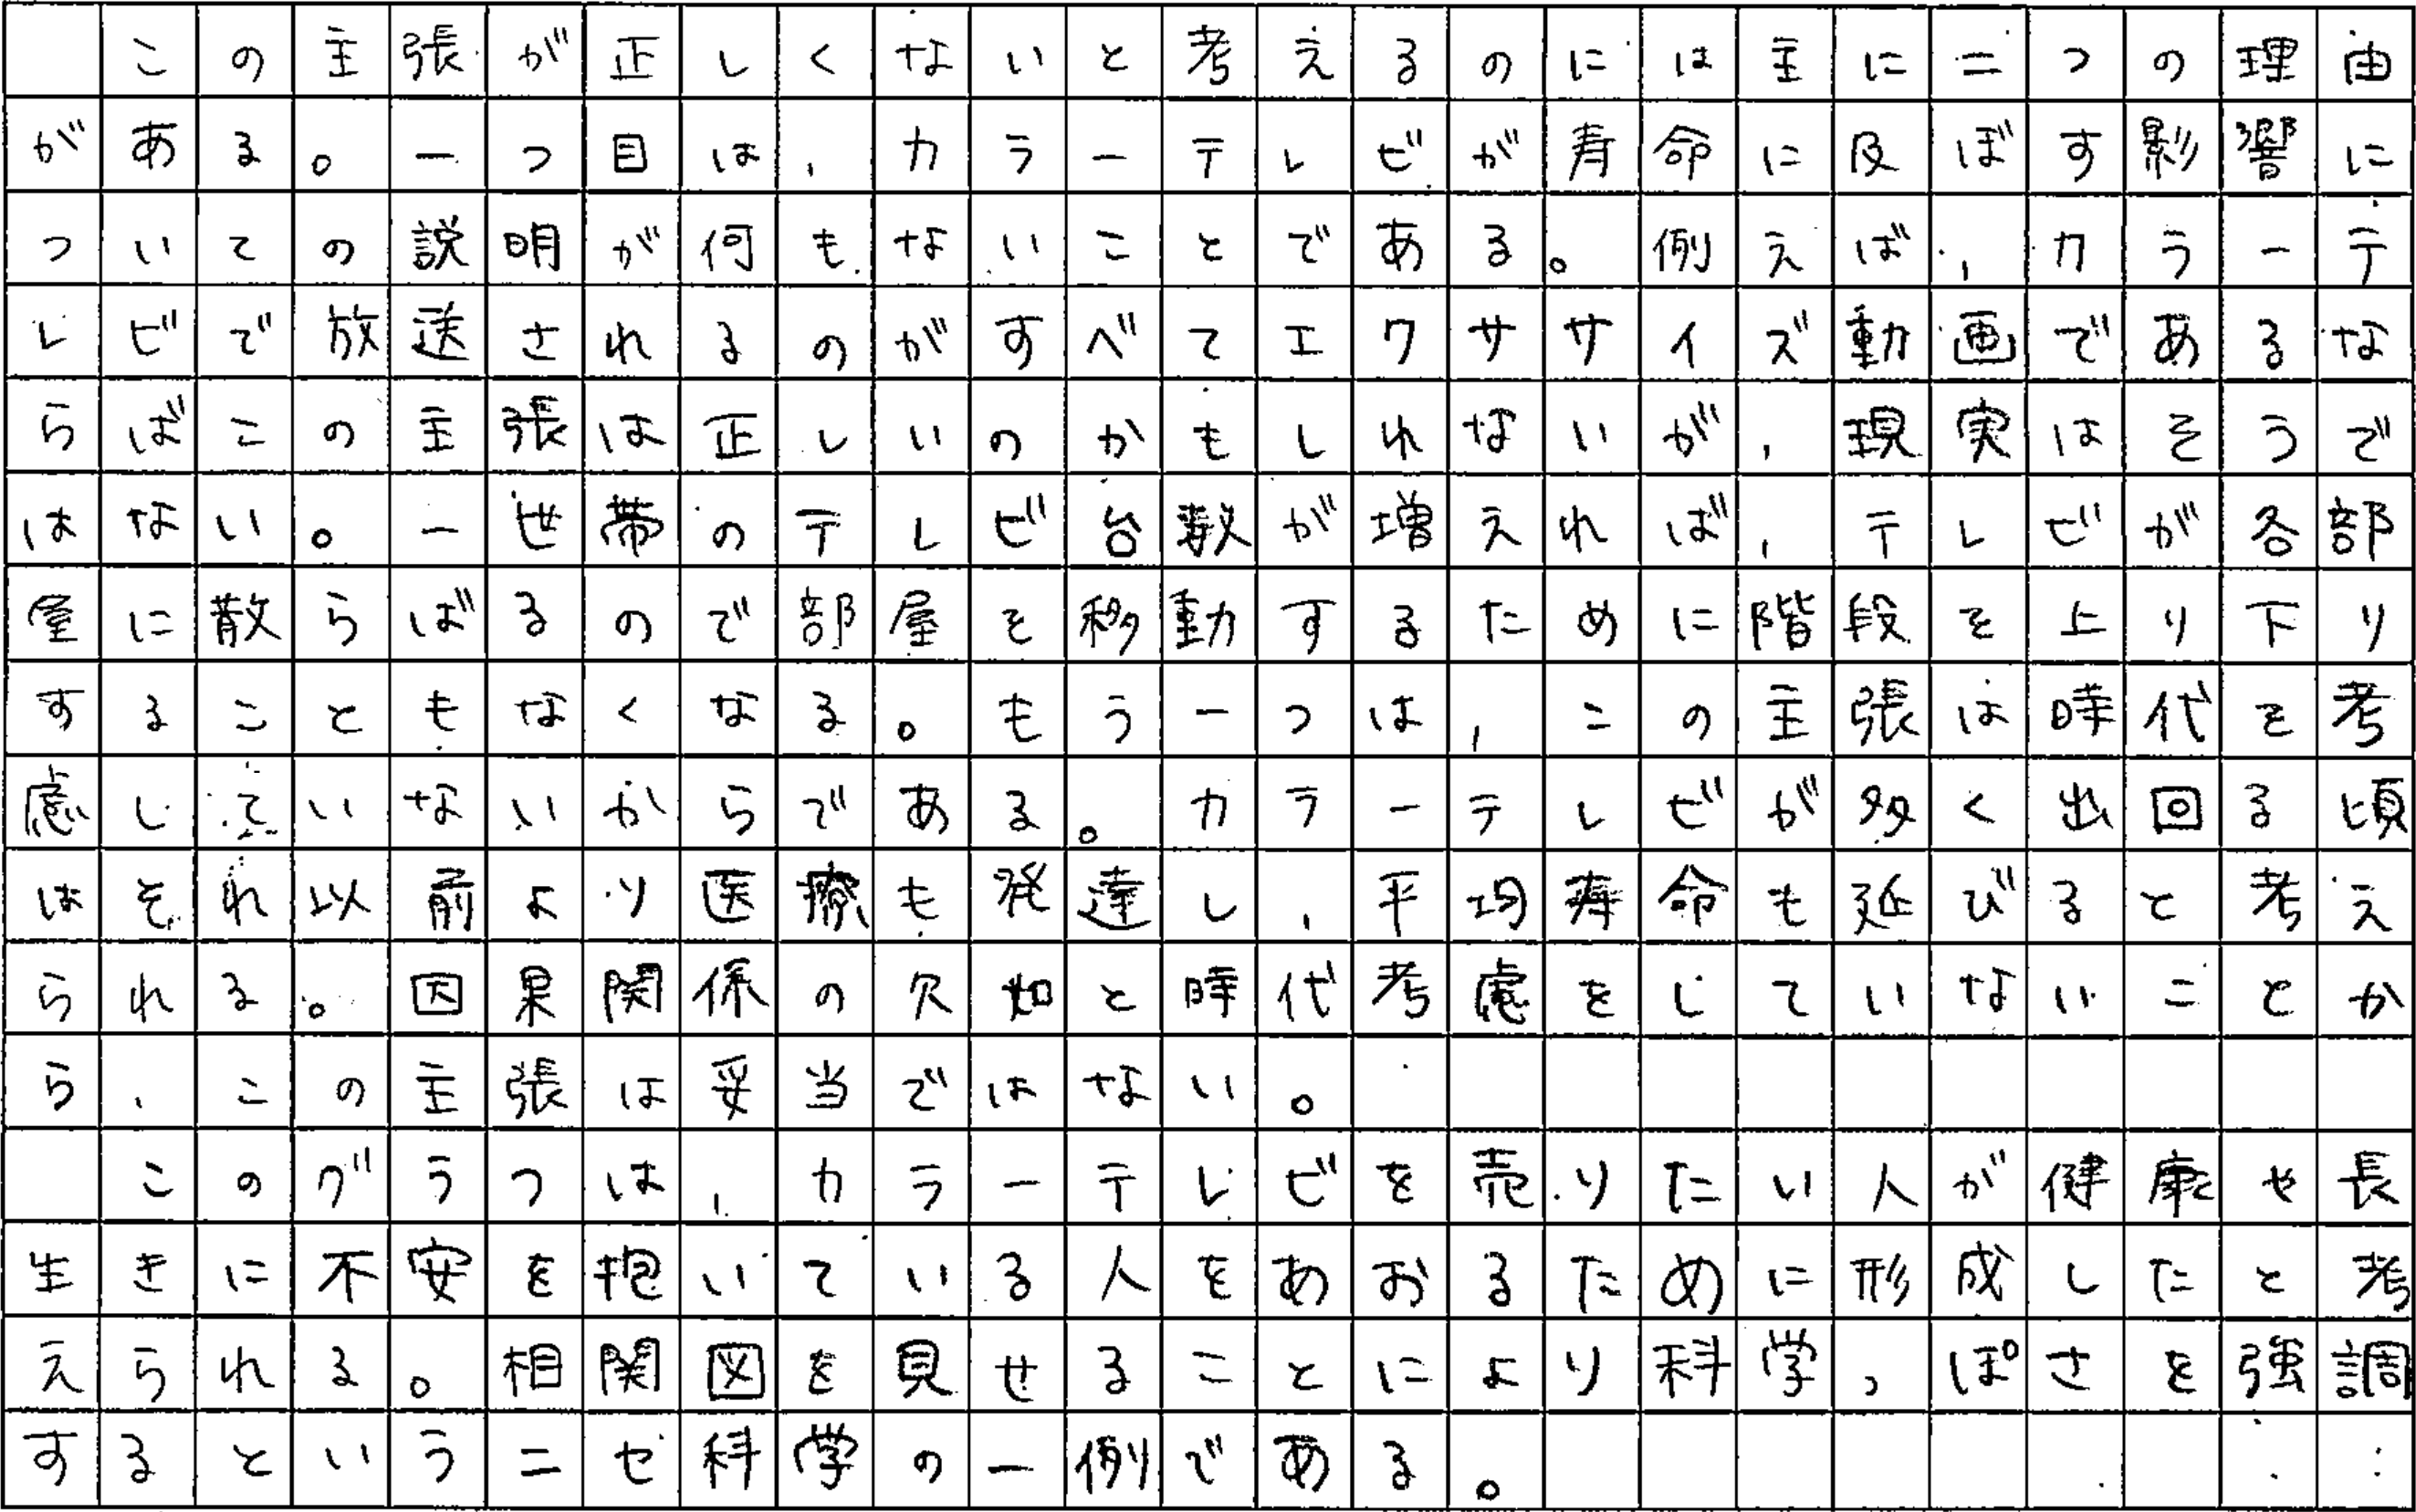　この主張が正しくないと考えるのには主に二つの理由がある。一つ目は、カラーテレビが寿命に及ぼす影響についての説明が何もないことである。例えば、カラーテレビで放送されるのがすべてエクササイズ動画であるならばこの主張は正しいのかもしれないが、現実はそうではない。一世帯のテレビ台数が増えれば、テレビが各部屋に散らばるので部屋を移動するために階段を上り下りすることもなくなる。もう一つは、この主張は時代を考慮していないからである。カラーテレビが多く出回る頃はそれ以前より医療も発達し、平均寿命も延びると考えられる。因果関係の欠如と時代考慮をしていないことから、この主張は妥当ではない。
　このグラフは、カラーテレビを売りたい人が健康や長生きに不安を抱いている人をあおるために形成したと考えられる。相関図を見せることにより科学っぽさを強調するというニセ科学の一例である。
